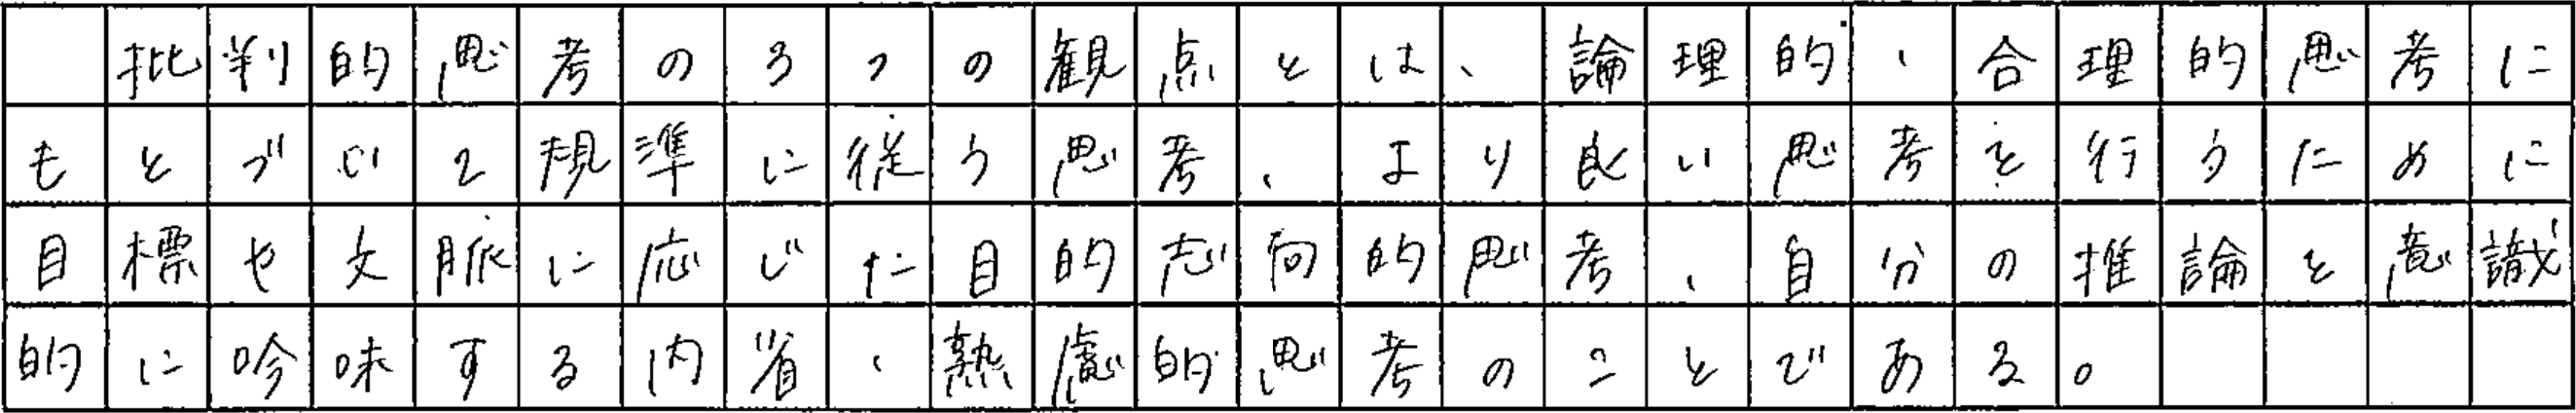　批判的思考の３つの観点とは、論理的・合理的思考にもとづいて規準に従う思考、より良い思考を行うために目標や文脈に応じた目的志向的思考、自分の推論を意識的に吟味する内省、熟慮的思考のことである。
